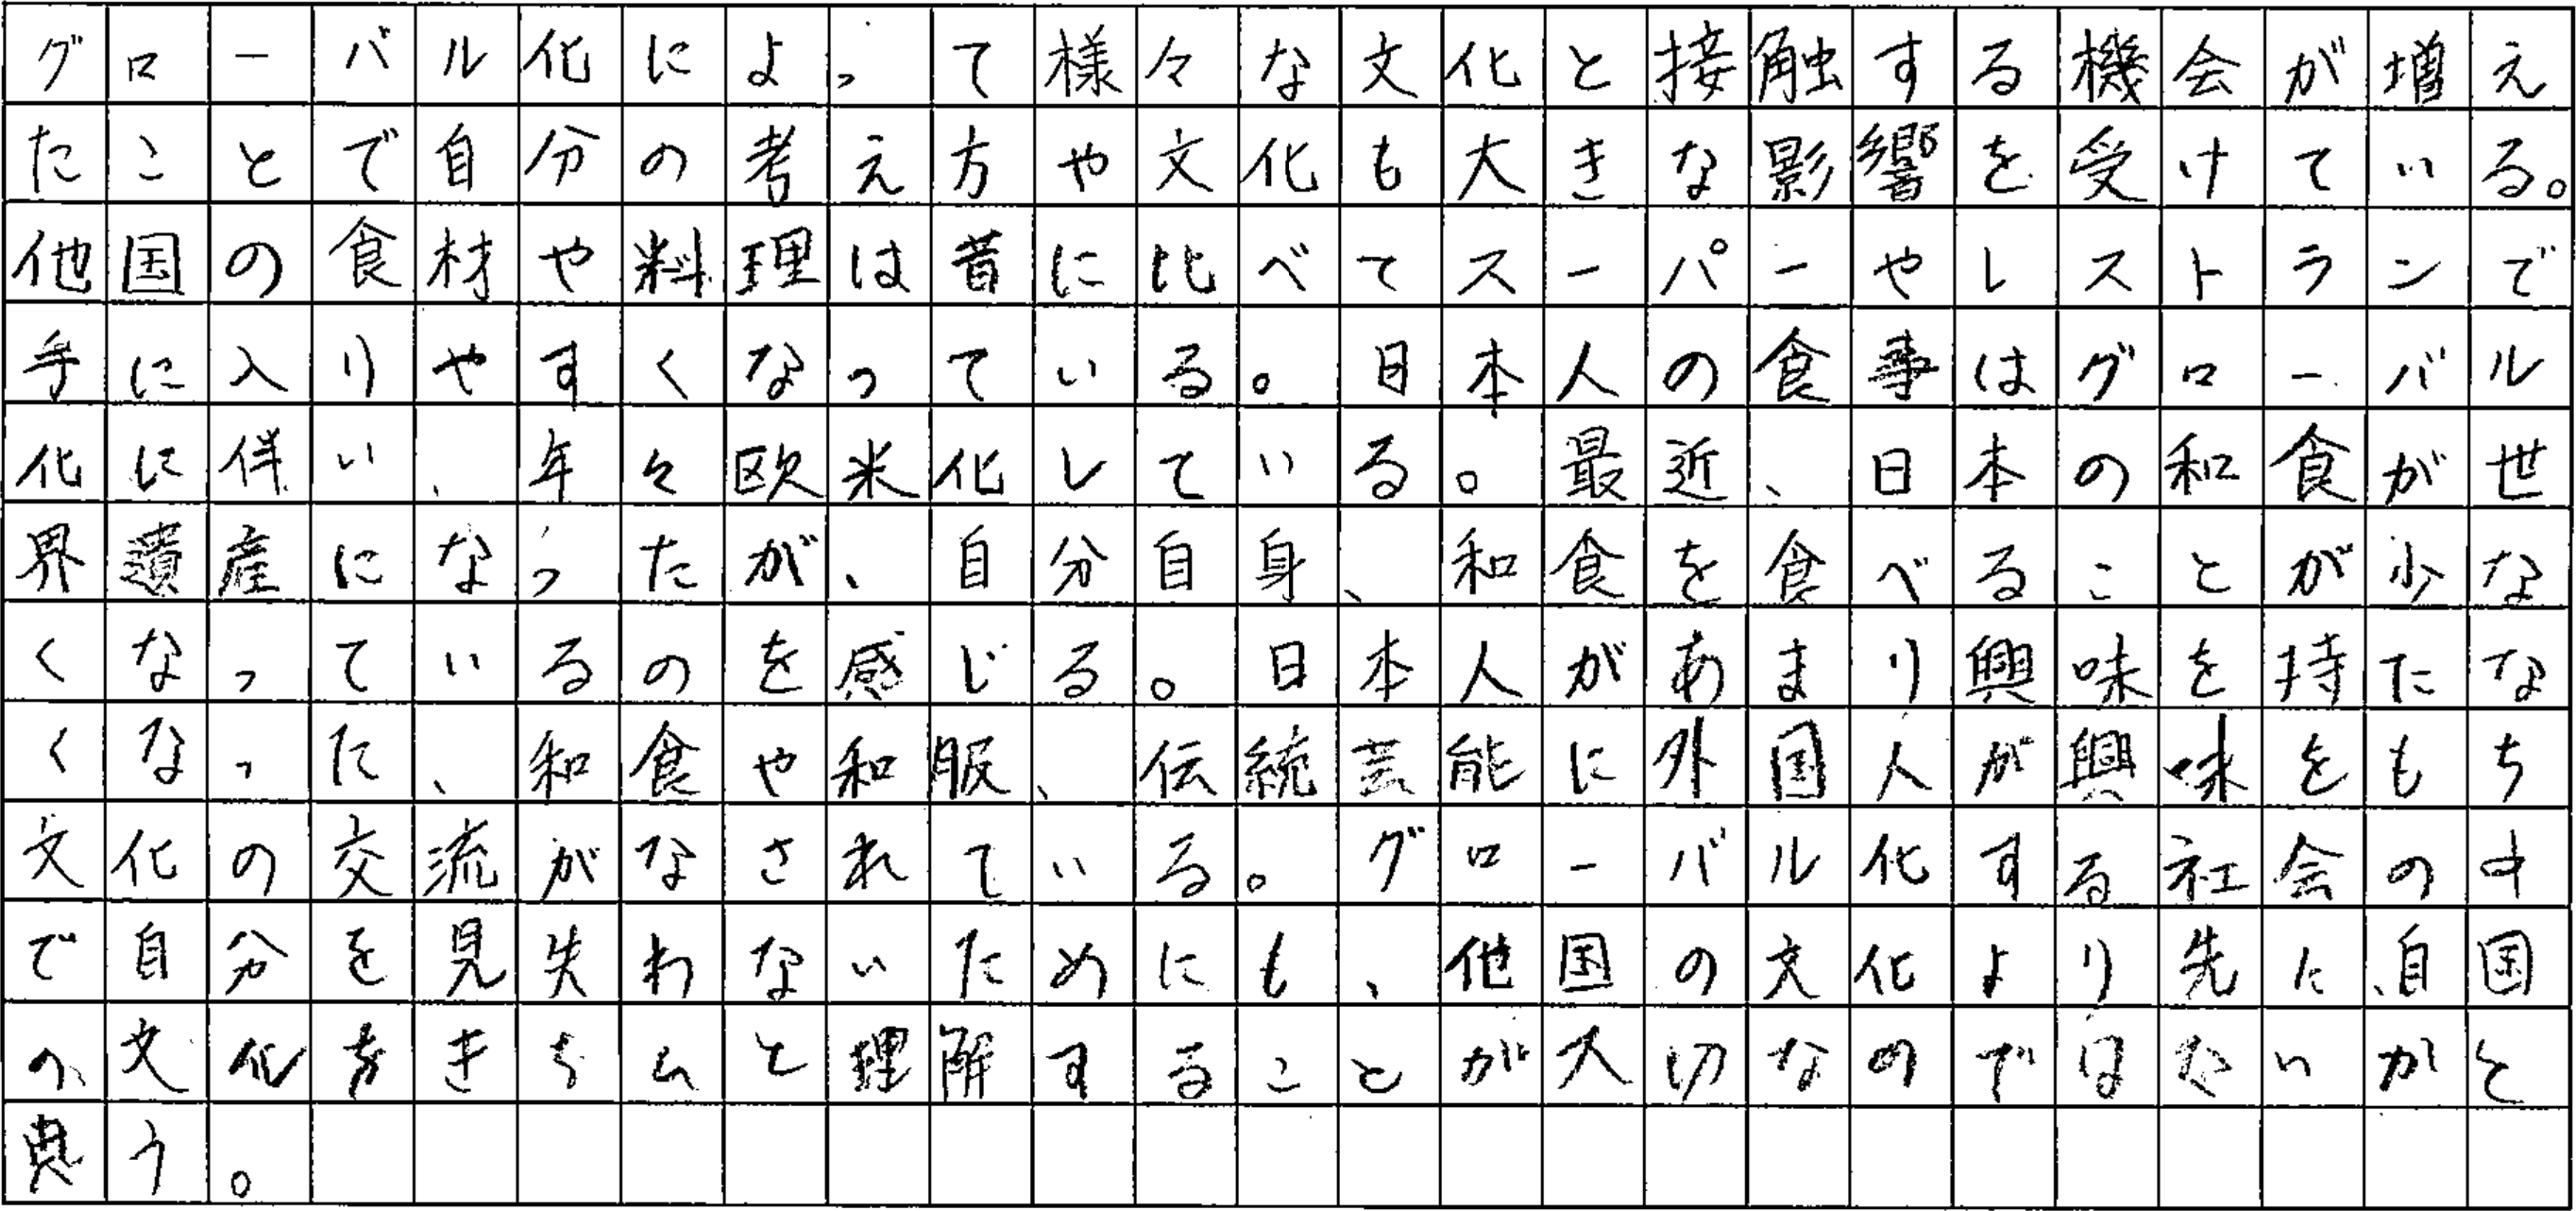グローバル化によって様々な文化と接触する機会が増えたことで自分の考え方や文化も大きな影響を受けている。他国の食材や料理は昔に比べてスーパーやレストランで手に入りやすくなっている。日本人の食事はグローバル化に伴い、年々欧米化している。最近、日本の和食が世界遺産になったが、自分自身、和食を食べることが少なくなっているのを感じる。日本人があまり興味を持たなくなった、和食や和服、伝統芸能に外国人が興味を持ち文化の交流がなされている。グローバル化する社会の中で、自分を見失わないためにも、他国の文化より先に自国の文化をきちんと理解することが大切なのではないかと思う。
